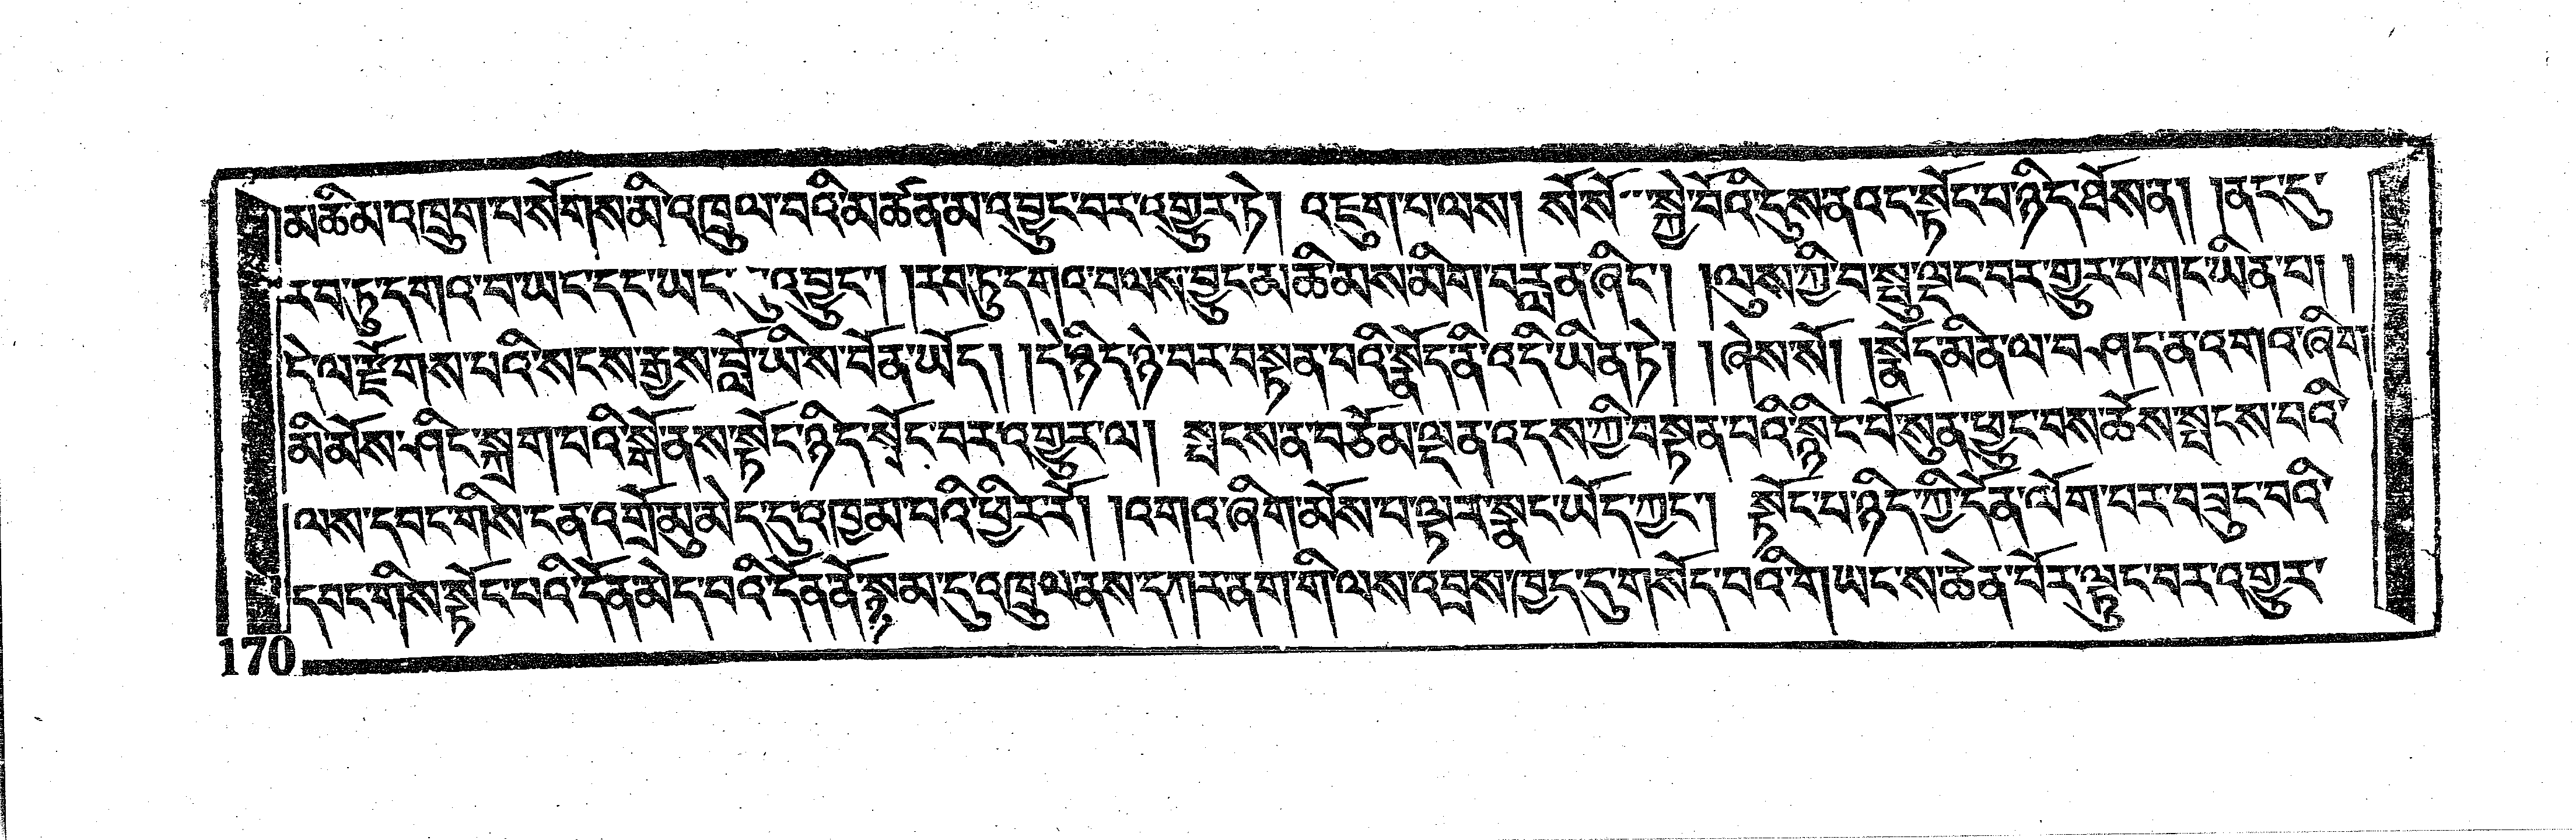མཆི་མ་འཁྲུག་པ་སོགས་མི་འཁྲུལ་བའི་མཚན་མ་འབྱུང་བར་འགྱུར་ཏེ། འཇུག་པ་ལས། སོ་སོ་སྐྱེ་བོའི་དུས་ནའང་སྟོང་པ་ཉིད་ཐོས་ན། །ནང་དུ་
རབ་ཏུ་དགའ་བ་ཡང་དང་ཡང་དུ་འབྱུང་། །རབ་ཏུ་དགའ་བ་ལས་བྱུང་མཆི་མས་མིག་བརླན་ཞིང་། །ལུས་ཀྱི་བ་སྤུ་ལྡང་བར་གྱུར་པ་གང་ཡིན་པ། །
དེ་ལ་རྫོགས་པའི་སངས་རྒྱས་བློ་ཡི་ས་བོན་ཡོད། །དེ་ཉིད་ཉེ་བར་བསྟན་པའི་སྣོད་ནི་འདི་ཡིན་ཏེ། །ཞེས་སོ། །སྣོད་མིན་ལ་བཤད་ན་འགའ་ཞིག་
མི་མོས་ཤིང་སྐྲག་པའི་སྒོ་ནས་སྟོང་ཉིད་སྤོང་བར་འགྱུར་ལ། སྤངས་ན་བཅོམ་ལྡན་འདས་ཀྱི་བསྟན་པའི་སྙིང་པོ་སུན་ཕྱུང་བས་ཆོས་སྤངས་པའི་
ལས་དབང་གིས་ངན་འགྲོ་མུ་མེད་དུ་འཁྱམ་པའི་ཕྱིར་རོ། །འགའ་ཞིག་མོས་པ་ལྟར་སྣང་ཡོད་ཀྱང་། སྟོང་པ་ཉིད་ཀྱི་དོན་ལོག་པར་བཟུང་བའི་
དབང་གིས་སྟོང་པའི་དོན་མེད་པའི་དོན་ནོ་སྙམ་དུ་འཁྲུལ་ནས་དཀར་ནག་གི་ལས་འབྲས་ཁྱད་དུ་གསོད་པའི་གཡང་ས་ཆེན་པོར་ལྟུང་བར་འགྱུར་